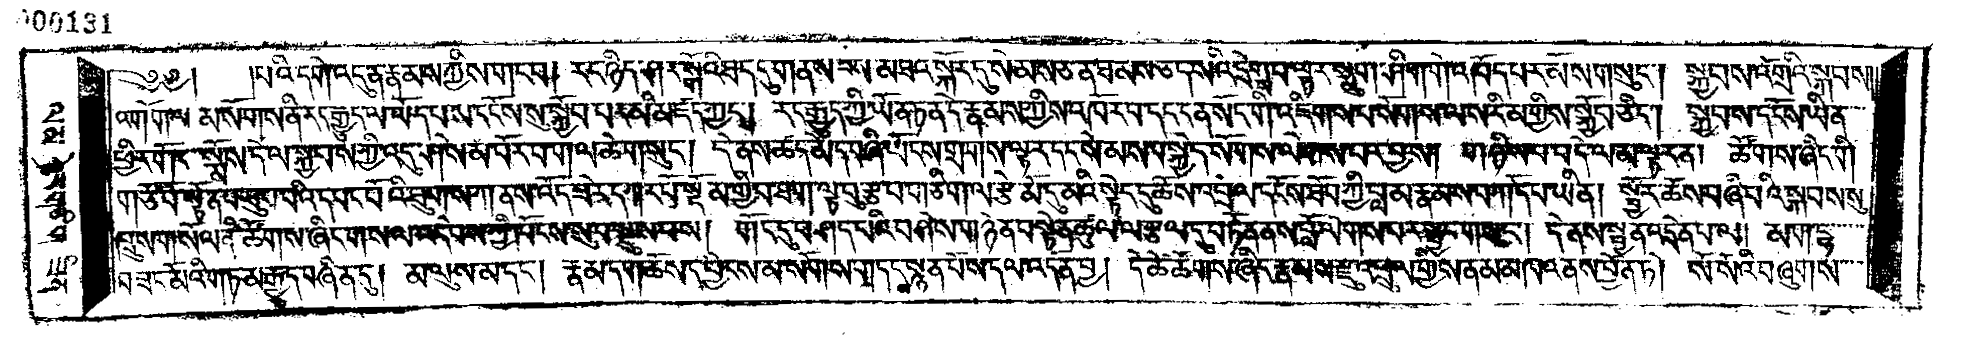༄༅། །པའི་དགེ་འདུན་རྣམས་ཀྱིས་གང་བ། རང་ཉིད་ཤར་སྒོའི་ཐད་དུ་གནས་པས་མཐའ་སྐོར་དུ་སེམས་ཅན་ཐམས་ཅད་སའི་དྲེགས་པ་ལྟར་སྨུག་ཤིག་གེ་འཁོད་པར་མོས་གསུང་། སྐྱབས་འགྲོའི་སྐབས།
འགོག་ལམ་སོགས་ནི་རང་རྒྱུད་ལ་ཡོད་པས་དངོས་སུ་སྐྱོབ་པར་མི་མཛད་ཀྱང་། རང་རྒྱུད་ཀྱི་ཡོན་ཏན་དེ་རྣམས་ཀྱིས་འཁོར་བ་དང་ངན་སོང་གི་འཇིགས་པ་སོགས་ལས་རིམ་གྱིས་སྐྱོབ་ཅིང་། སྐྱབས་དངོས་ཡིན་
ཕྱིར་གོང་སྨོས་དེ་ལ་སྐྱབས་ཀྱི་འདུ་ཤེས་མ་བོར་བ་གལ་ཆེ་གསུང་། དེ་ནས་ཚད་མེད་བཞི་ཡོངས་གྲགས་ལྟར་དང་སེམས་བསྐྱེད་སོགས་ལེགས་པར་བྱས། གཉིས་པ་བདེ་ལམ་ལྟར་ན། ཚོགས་ཞིང་གི་
གཙོ་བོ་སྟོན་པ་ཐུབ་པའི་དབང་པོའི་ཐུགས་ཀ་ནས་འོད་ཟེར་དཀར་པོ་སྡོམ་གྱི་བ་ཐག་ལྟ་བུ་རྩ་བ་གཅིག་ལ་རྩེ་མོ་དུ་མའི་སྟེང་དུ་ཆོས་འབྲལ་དངོས་ཐོབ་ཀྱི་བླ་མ་རྣམས་བཀོད་པ་ཡིན། སྦྱོར་ཆོས་བཞི་པའི་སྐབས་སུ་
ཁྲུས་གསོལ་ནི་ཚོགས་ཞིང་གསལ་འདེབས་ཀྱི་ཁོངས་སུ་བསྡུས་པས། གོང་དུ་བཤད་པའི་བཤེས་གཉེན་བསྟེན་ཚུལ་ལ་རྩལ་དུ་བཏོན་ནས་བློ་ལེགས་པར་སྦྱང་གསུང་། དེ་ནས་སྤྱན་འདྲེན་པ་ལ། མ་ག་དྷ་
བཟང་མོའི་གཏམ་རྒྱུད་བཞིན་དུ། མ་ལུས་མ་དང་། རྣམ་དག་ཆོས་དབྱིངས་མ་སོགས་གདངས་སྙན་པོས་དལ་འདོན་བྱ། དེ་ཚེ་ཚོགས་ཞིང་རྣམས་རྫུ་འཕྲུལ་གྱིས་ནམ་མཁའ་ནས་བྱོན་ཏེ། སོ་སོའི་བཞུགས་